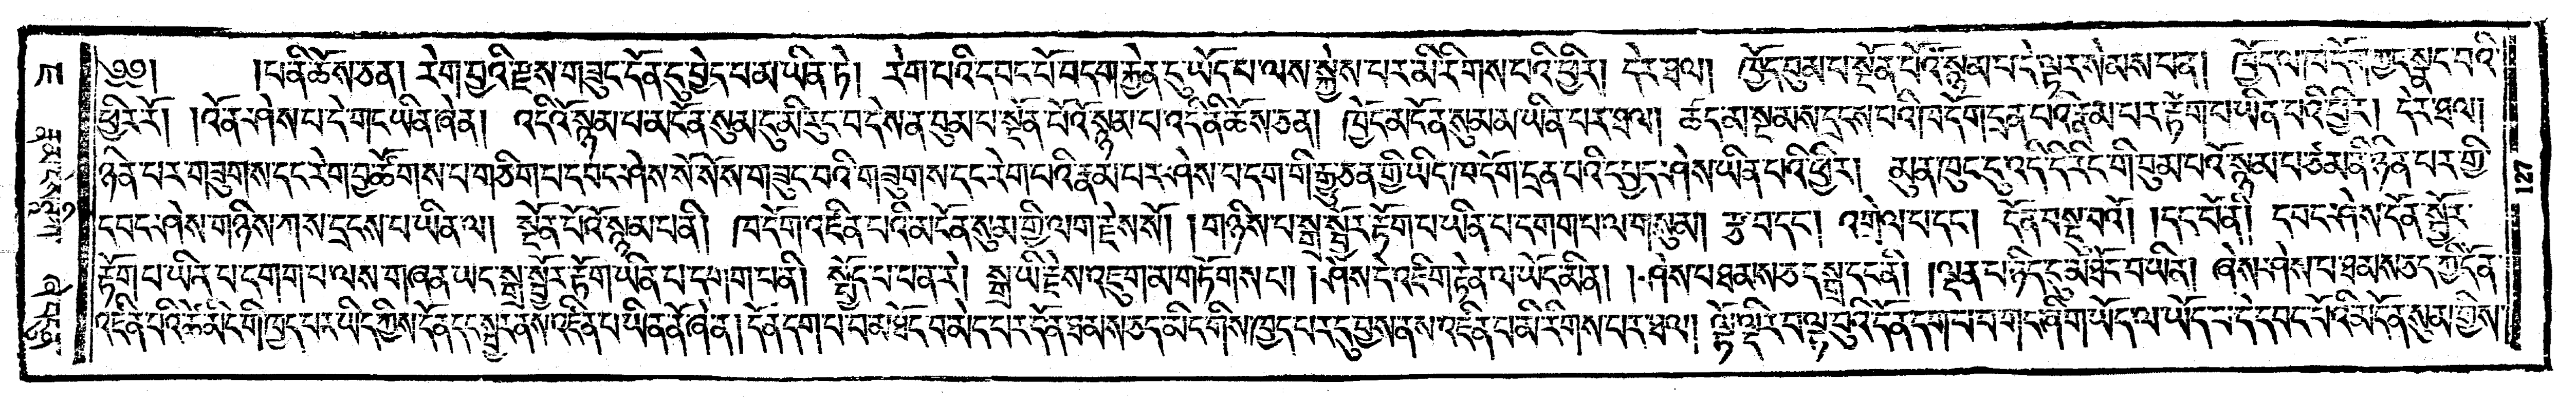༄༅། །པ་ནི་ཆོས་ཅན། རེག་བྱའི་རྫས་གཟུང་དོན་དུ་བྱེད་པ་མ་ཡིན་ཏེ། རེག་པའི་དབང་པོ་བདག་རྐྱེན་དུ་ཡོད་པ་ལས་སྐྱེས་པར་མི་རིགས་པའི་ཕྱིར། དེར་ཐལ། ཁྱོད་བུམ་པ་སྔོན་པོའོ་སྙམ་པ་དེ་ལྟར་སེམས་པ་ན། ཁྱོད་ལ་ཁ་དོག་ཀྱང་སྣང་བའི་
ཕྱིར་རོ། །འོ་ན་ཤེས་པ་དེ་གང་ཡིན་ཞེ་ན། འདིའོ་སྙམ་པ་མངོན་སུམ་དུ་མི་རུང་བ་དེས་ན་བུམ་པ་སྔོན་པོའོ་སྙམ་པ་འདི་ནི་ཆོས་ཅན། ཁྱོད་མངོན་སུམ་མ་ཡིན་པར་ཐལ། ཚད་མ་སྔ་མས་དྲངས་པའི་ཁ་དོག་དྲན་པའི་རྣམ་པར་རྟོག་པ་ཡིན་པའི་ཕྱིར། དེར་ཐལ།
ཉིན་པར་གཟུགས་དང་རེག་བྱ་ཚོགས་པ་གཅིག་པ་དབང་ཤེས་སོ་སོས་གཟུང་བའི་གཟུགས་དང་རེག་པའི་རྣམ་པར་ཤེས་པ་དག་གི་རྒྱུ་ཅན་གྱི་ཡིད་ཁ་དོག་དྲན་པའི་དཔྱད་ཤེས་ཡིན་པའི་ཕྱིར། མུན་ཁུང་དུ་འདི་དི་རིང་གི་བུམ་པའོ་སྙམ་པ་ཙམ་ནི་ཉིན་པར་གྱི་
དབང་ཤེས་གཉིས་ཀས་དྲངས་པ་ཡིན་ལ། སྔོན་པོའོ་སྙམ་པ་ནི། ཁ་དོག་འཛིན་པའི་མངོན་སུམ་གྱི་ལག་རྗེས་སོ། །གཉིས་པ་སྒྲ་སྦྱོར་རྟོག་པ་ཡིན་པ་དགག་པ་ལ་གསུམ། རྩ་བ་དང་། འགྲེལ་པ་དང་། དོན་བསྡུ་བའོ། །དང་པོ་ནི། དབང་ཤེས་དོན་སྦྱོར་
རྟོག་པ་ཡིན་པ་དགག་པ་ལས་གཞན་ཡང་སྒྲ་སྦྱོར་རྟོག་ཡིན་པ་དགག་པ་ནི། སྤྱོད་པ་པ་ན་རེ། སྒྲ་ཡི་རྗེས་འཇུག་མ་གཏོགས་པ། །ཤེས་དེ་འཇིག་རྟེན་ལ་ཡོད་མིན། །ཤེས་པ་ཐམས་ཅད་སྒྲ་དང་ནི། །ལྡན་པ་ཉིད་དུ་མཐོང་བ་ཡིན། ཞེས་ཤེས་པ་ཐམས་ཅད་ཀྱི་དོན་
འཛིན་པའི་ཚེ་མིང་གི་ཁྱད་པར་ཡིད་ཀྱིས་དོན་དང་སྦྱར་ནས་འཛིན་པ་ཡིན་ནོ་ཞེ་ན། དོན་དག་པ་བ་མཐོང་བ་མེད་པར་དོན་ཐམས་ཅད་མིང་གིས་ཁྱད་པར་དུ་བྱས་ནས་འཛིན་པ་མི་རིགས་པར་ཐལ། ལྟོ་ལྡིར་བ་ལྟ་བུའི་དོན་དག་པ་བ་གང་ཞིག་ཡོད་ལ་ཡོད་པ་དེ་དབང་པོའི་མངོན་སུམ་གྱིས་